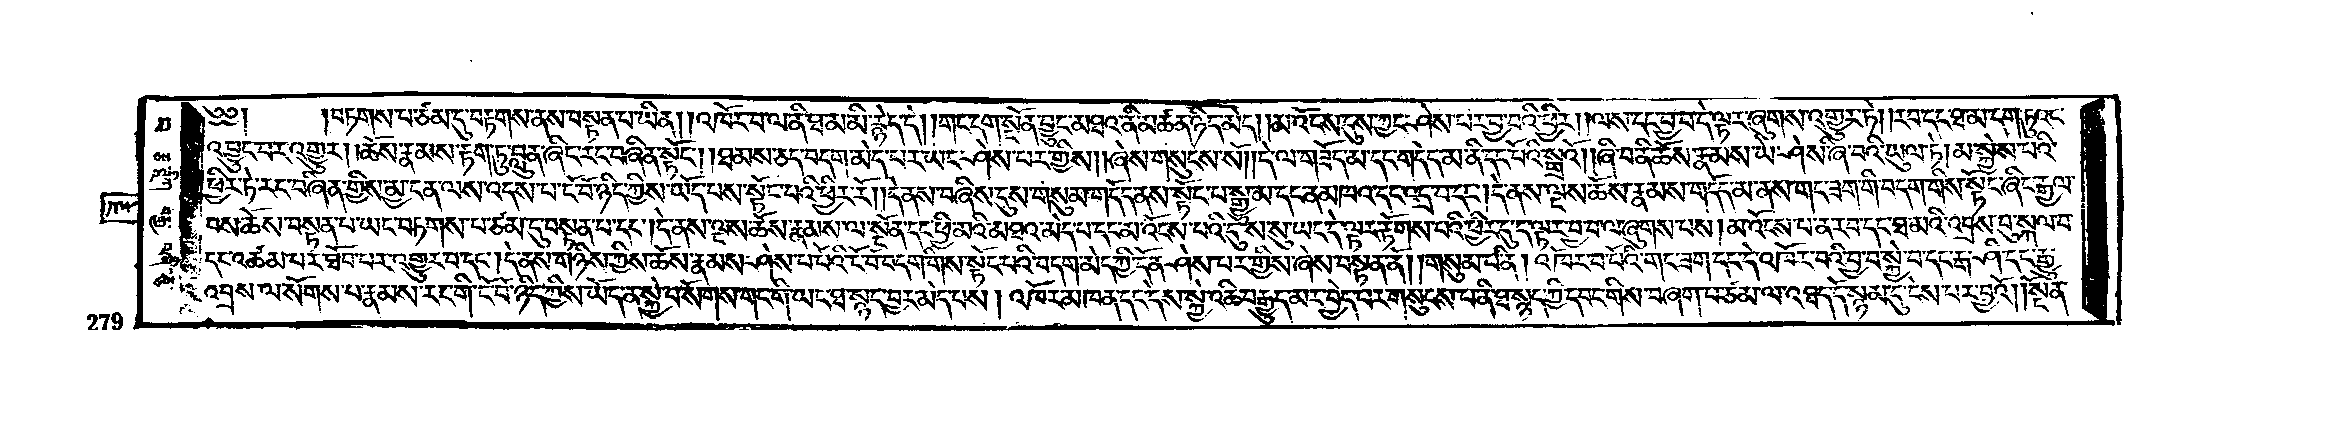༄༅། །བཏགས་པ་ཙམ་དུ་བརྟགས་ནས་བསྟན་པ་ཡིན། །འཁོར་བ་ལ་ནི་ཐ་མ་མི་རྙེད་དེ། །གང་དག་སྔོན་བྱུང་མཐའ་ནི་མཚན་ཉིད་མེད། །མ་འོངས་དུས་ཀྱང་ཤེས་པར་བྱ་བའི་ཕྱིར། །ལས་དང་བྱ་བ་དེ་ལྟར་ཞུགས་འགྱུར་ཏེ། །རབ་དང་ཐ་མ་དག་ཏུའང་
འབྱུང་བར་འགྱུར། །ཆོས་རྣམས་རྟག་ཏུ་བླུན་ཞིང་རང་བཞིན་སྟོང་། །ཐམས་ཅད་བདག་མེད་པར་ཡང་ཤེས་པར་གྱིས། །ཞེས་གསུངས་སོ། །དེ་ལ་གཟོད་མ་དང་གདེད་མ་ནི་དང་པོའི་སྒྲའོ། །ཞི་བ་ནི་ཆོས་རྣམས་ཡེ་ཤེས་ཞི་བའི་ཡུལ་ཏེ། མ་སྐྱེས་པའི་
ཕྱིར་ཏེ་རང་བཞིན་གྱིས་མྱ་ངན་ལས་འདས་པ་ངོ་བོ་ཉིད་ཀྱིས་ཡོད་པས་སྟོང་པའི་ཕྱིར་རོ། །དེ་ནས་བཞིས་དུས་གསུམ་གདོད་ནས་སྟོང་པ་སྒྱུ་མ་དང་ནམཁའ་དང་འདྲ་བ་དང་། དེ་ནས་ལྔས་ཆོས་རྣམས་གདོད་མ་ནས་གང་ཟག་གི་བདག་གིས་སྟོང་ཞིང་རྒྱལ་
བས་ཆོས་བསྟན་པ་ཡང་བཏགས་པ་ཅམ་དུ་བསྟན་པ་དང་། དེ་ནས་ལྔས་ཆོས་རྣམས་ལ་སྔོན་དང་ཕྱི་མའི་མཐའ་མེད་པ་དང་མ་འོངས་པའི་དུས་སུ་ཡང་དེ་ལྟར་རྟོགས་པའི་ཕྱིར་དུ་ད་ལྟར་བྱ་བ་ལ་ཞུགས་པས། མ་འོངས་པ་ན་རབ་དང་ཐ་མའི་འབྲས་བུ་སྐལ་བ་
དང་འཆོམ་པར་ཐོབ་བར་འགྱུར་བ་དང་། དེ་ནས་གཉིས་ཀྱིས་ཆོས་རྣམས་ཤེས་པ་པོའི་ངོ་བོ་བདག་གིས་སྟོང་པའི་བདག་མེད་ཀྱི་དོན་ཤེས་པར་གྱིས་ཞེས་བསྟན་ནོ། །གསུམ་པ་ནི། འཁོར་བ་པོའི་གང་ཟག་དང་དེ་འཁོར་བའི་བྱ་བ་སྐྱེ་བ་དང་རྒ་ཤི་དང་རྒྱུ་
འབྲས་ལ་སོགས་པ་རྣམས་རང་གི་ངོ་བོ་ཉིད་ཀྱིས་ཡོད་ན་སྐྱེ་བ་སོགས་གང་གི་ཡང་ཐ་སྙད་བྱར་མེད་པས། འཁོར་མཁན་དང་དེས་སྐྱེ་འཆི་བརྒྱུད་མར་བྱད་པར་གསུངས་པ་ནི་ཐ་སྙད་ཀྱི་དབང་གིས་བཞག་པ་ཙམ་ལ་འཐད་དོ་སྙམ་དུ་ངེས་པར་བྱའོ། །སྔོན་